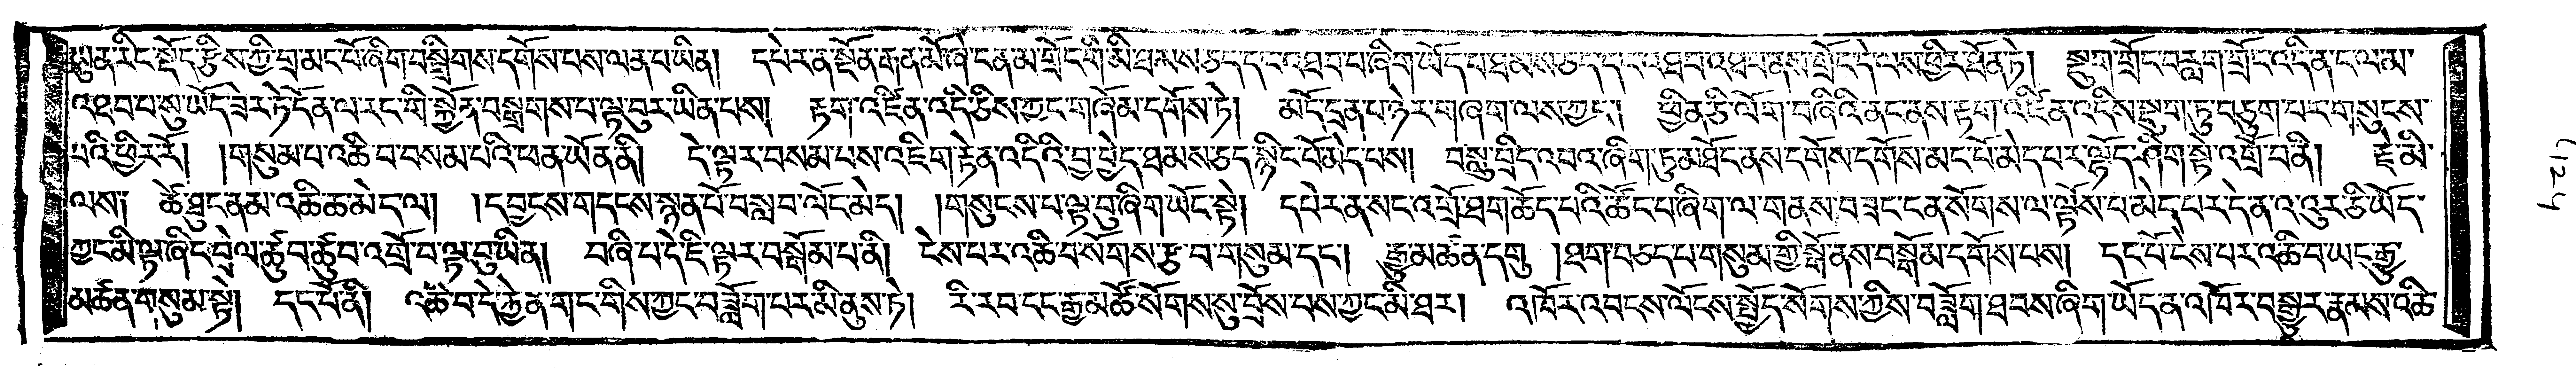ཡུན་རིང་སྡོད་རྩིས་ཀྱི་གྲ་མང་པོ་ཞིག་བསྒྲིགས་དགོས་བས་ལན་བ་ཡིན། དཔེར་ན་སྔོན་རྒན་མོ་ཞེ་ངན་མ་གྲོང་གི་མི་ཐམས་ཅད་དང་འཐབ་པ་ཞིག་ཡོད་བ་ཐམས་ཅད་དང་འཐབ་འཐབ་ནས་གྲོང་དེ་ལས་ཕྱིར་ཐོན་ཏེ། སྡུག་གྲོང་བརླག་གྲོང་འདི་ནང་ལ་མ་
འཐབ་པ་སུ་ཡོད་ཟེར་ཏེ་དོན་ལ་ངང་གི་སྐྱོན་བསྒྲགས་པ་ལྟ་བུར་ཡིན་པས། རྟག་འཛིན་འདི་ཅིས་ཀྱང་གཞོམ་དགོས་ཏེ། །མདོ་དྲན་པ་ཉེར་གཞག་ལས་ཀྱང་། ཕྱིན་ཅི་ལོག་བཞིའི་ནང་ནས་རྟག་འཛིན་འདིས་སྡུག་ཏུ་བཅུག་པར་གསུངས་
པའི་ཕྱིར་རོ། །གསུམ་པ་འཆི་བ་བསམ་པའི་ཕན་ཡོན་ནི། དེ་ལྟར་བསམ་པས་འཇིག་རྟེན་འདིའི་བྱ་བྱེད་ཐམས་ཅད་སྙིང་པོ་མེད་པས། བསླུ་བྲིད་འབའ་ཞིག་ཏུ་མཐོང་ནས་དགོས་དགོས་མང་པོ་མེད་པར་ལྷོད་ཤིག་སྟེ་འགྲོ་བ་ནི། རྗེ་མི་
ལས༑ ཚེ་ཐུང་ནམ་འཆི་ཆ་མེད་ལ། །དབྱངས་གདངས་སྙན་པོ་བསླབ་ལོང་མེད། །གསུངས་པ་ལྟ་བུ་ཞིག་ཡོང་སྟེ། དཔེར་ན་སང་འགྲོ་ཐག་ཆོད་པའི་ཚོང་པ་ཞིག་ལ་གནས་བཟང་ངན་སོགས་ལ་ལྟོས་པ་མེད་པར་དེ་ན་འ་འུར་ཅི་ཡོད་
ཀྱང་མི་ལྟ་ཞིང་བྲེལ་ཚུབ་ཚུབ་འགྲོ་བ་ལྟ་བུ་ཡིན། བཞི་པ་དེ་ཇི་ལྟར་བསྒོམ་པ་ནི། ངེས་བར་འཆི་བ་སོགས་རྩ་བ་གསུམ་དང་། རྒྱུ་མཚན་དགུ །ཐག་བཅད་པ་གསུམ་གྱི་སྒོ་ནས་བསྒོམ་དགོས་པས། དང་པོ་ངེས་པར་འཆི་བ་ཡང་རྒྱུ་
མཚན་གསུམ་སྟེ། དང་པོ་ནི། འཆི་བ་དེ་རྐྱེན་གང་གིས་ཀྱང་བཟློག་པར་མི་ནུས་ཏེ། རི་རབ་དང་རྒྱ་མཚོ་སོགས་སུ་བྲོས་པས་ཀྱང་མི་ཐར། འཁོར་འབངས་ལོངས་སྤྱོད་སོགས་ཀྱིས་བཟློག་ཐབས་ཞིག་ཡོད་ན་འཁོར་བསྒྱུར་རྣམས་འཆི་